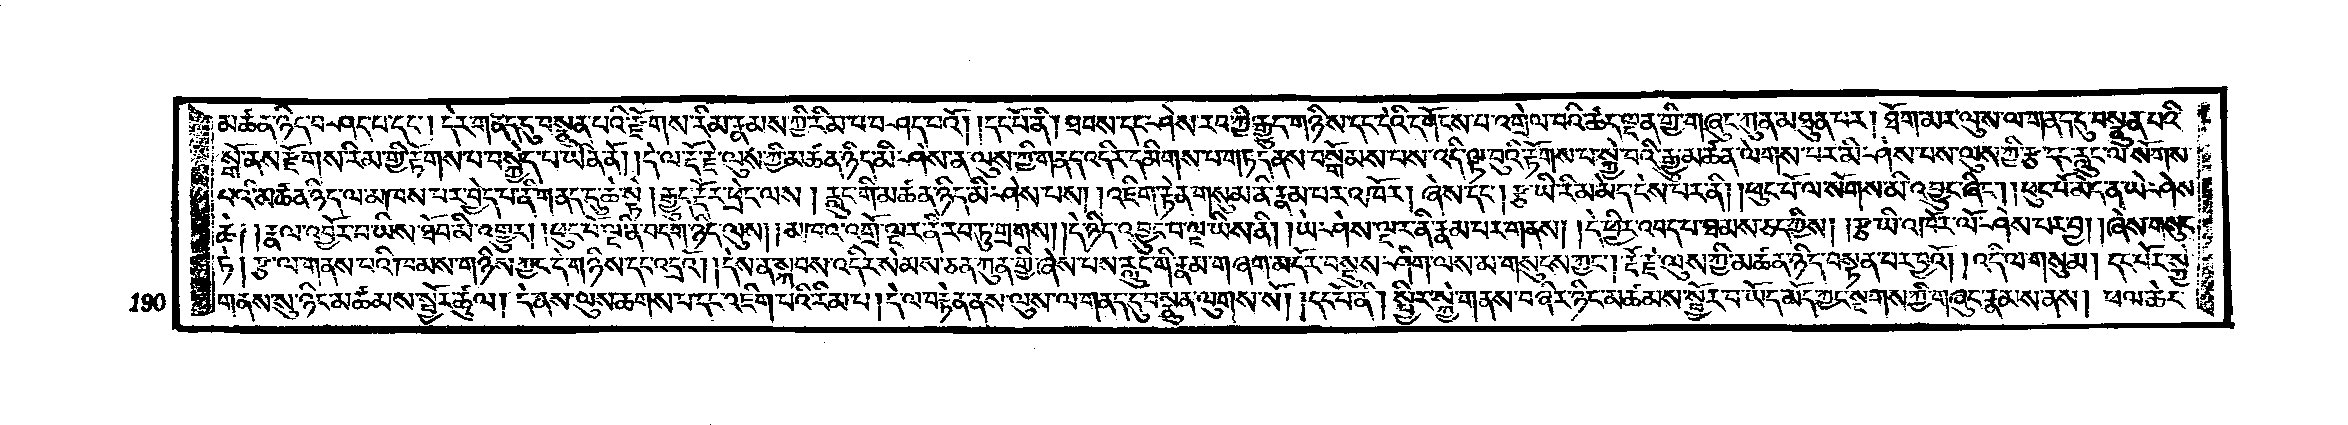མཚན་ཉིད་བཤད་པ་དང་། དེར་གནད་དུ་བསྣུན་པའི་རྫོགས་རིམ་རྣམས་ཀྱི་རིམ་པ་བཤད་པའོ། །དང་པོ་ནི། ཐབས་དང་ཤེས་རབ་ཀྱི་རྒྱུད་གཉིས་དང་དེའི་དགོངས་པ་འགྲེལ་པའི་ཚད་ལྡན་གྱི་གཞུང་ཀུན་མཐུན་པར། ཐོག་མར་ལུས་ལ་གནད་དུ་བསྟུན་པའི་
སྒོ་ནས་རྫོགས་རིམ་གྱི་རྟོགས་པ་བསྐྱེད་པ་ཡིན་ནོ། །དེ་ལ་རྡོ་རྗེ་ལུས་ཀྱི་མཚན་ཉིད་མི་ཤེས་ན་ལུས་ཀྱི་གནད་འདིར་དམིགས་པ་གཏད་ནས་བསྒོམས་པས་འདི་ལྟ་བུའི་རྟོགས་པ་སྐྱེ་བའི་རྒྱུ་མཚན་ལེགས་པར་མི་ཤེས་པས་ལུས་ཀྱི་རྩ་དང་རླུང་ལ་སོགས་
པའི་མཚན་ཉིད་ལ་མཁས་པར་བྱེད་པ་ནི་གནད་དུ་ཆེ་སྟེ། རྒྱུད་རྡོར་ཕྲེང་ལས། རླུང་གི་མཚན་ཉིད་མི་ཤེས་པས། །འཇིག་རྟེན་གསུམ་ནི་རྣམ་པར་འཁོར། ཞེས་དང་། རྩ་ཡི་རིམ་མེད་ངེས་པར་ནི། །ཕུང་པོ་ལ་སོགས་མི་འབྱུང་ཞིང་། །ཕུང་པོ་མེད་ན་ཡེ་ཤེས་
ཆེ། །རྣལ་འབྱོར་པ་ཡིས་ཐོབ་མི་འགྱུར། །ཕུང་པོ་ལྔ་ནི་བདག་ཉིད་ལུས། །མཁའ་འགྲོ་ལྔར་ནི་རབ་ཏུ་གྲགས། །དེ་ཉིད་འབྱུང་བ་ལྔ་ཡིས་ནི། །ཡེ་ཤེས་ལྔར་ནི་རྣམ་པར་གནས། །དེ་ཕྱིར་འབད་པ་ཐམས་ཅད་ཀྱིས། །རྩ་ཡི་འཁོར་ལོ་ཤེས་པར་བྱ། །ཞེས་གསུངས་
ཏེ། རྩ་ལ་གནས་པའི་ཁམས་གཉིས་ཀྱང་དེ་གཉིས་དང་འདྲའོ། །དེས་ན་སྐབས་འདིར་སེམས་ཅན་ཀུན་གྱི་ཞེས་པས་རླུང་གི་རྣམ་གཞག་མདོར་བསྡུས་ཤིག་ལས་མ་གསུངས་ཀྱང་། རྡོ་རྗེ་ལུས་ཀྱི་མཚན་ཉིད་བསྟན་པར་བྱའོ། །འདི་ལ་གསུམ། དང་པོར་སྐྱེ་
གནས་སུ་ཉིང་མཚམས་སྦྱོར་ཚུལ། དེ་ནས་ལུས་ཆགས་པ་དང་འཇིག་པའི་རིམ་པ། དེ་ལ་བརྟེན་ནས་ལུས་ལ་གནད་དུ་བསྣུན་ལུགས་སོ། །དང་པོ་ནི། སྤྱིར་སྐྱེ་གནས་བཞིར་ཉིང་མཚམས་སྦྱོར་བ་ཡོད་མོད་ཀྱང་སྔགས་ཀྱི་གཞུང་རྣམས་ནས། ཕལ་ཆེར་